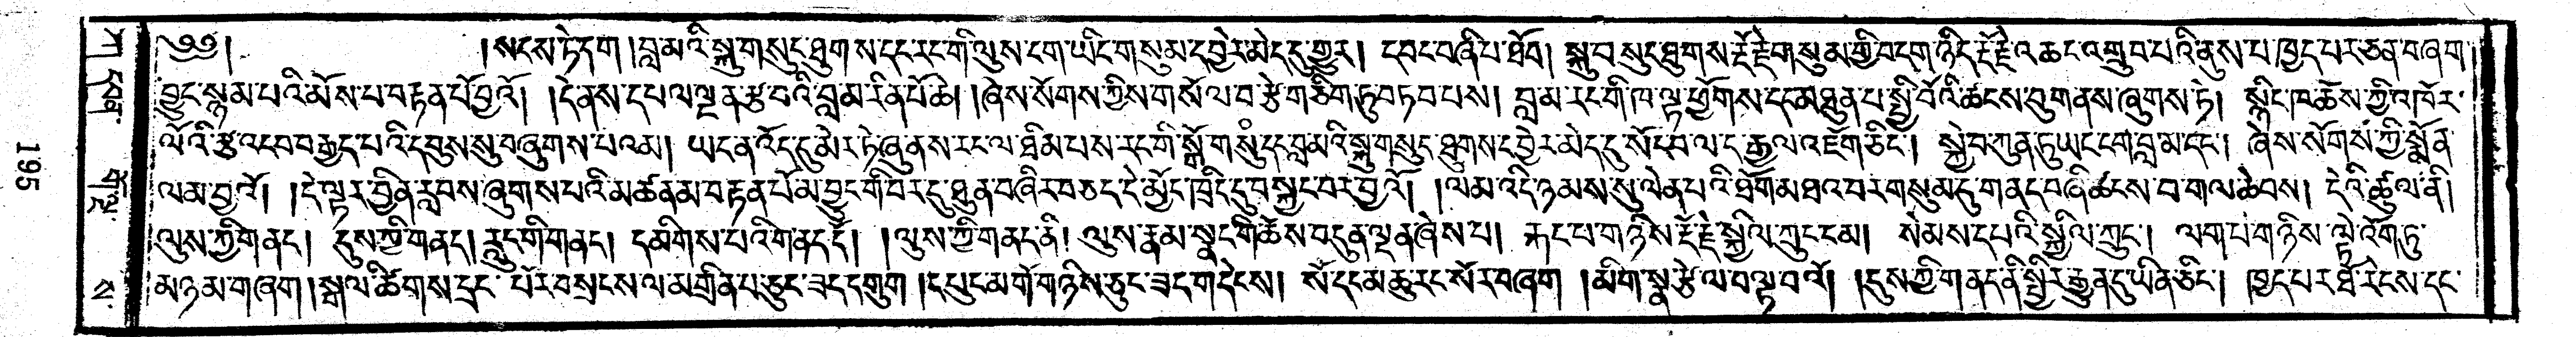༄༅། །སངས་ཏེ་དག །བླ་མའི་སྐུ་གསུང་ཐུགས་དང་རང་གི་ལུས་ངག་ཡིད་གསུམ་དབྱེར་མེད་དུ་གྱུར། དབང་བཞི་པ་ཐོབ། སྐུ་བསུང་ཐུགས་རྡོ་རྗེ་གསུམ་གྱི་བདག་ཉིད་རྡོ་རྗེ་འཆང་འགྲུབ་པའི་ནུས་པ་ཁྱད་པར་ཅན་བཞག་
བྱུང་སྙམ་པའི་མོས་པ་བརྟན་པོ་བྱའོ། །དེ་ནས་དཔལ་ལྡན་རྩ་བའི་བླ་མ་རིན་པོ་ཆེ། །ཞེས་སོགས་ཀྱིས་གསོལ་བ་རྩེ་གཅིག་ཏུ་བཏབ་པས། བླ་མ་རང་གི་ཁ་ལྟ་ཕྱོགས་དང་མཐུན་པ་སྤྱི་བོའི་ཚངས་བུག་ནས་ཞུགས་ཏེ། སྙིང་ཁ་ཆོས་ཀྱི་འཁོར་
ལོའི་རྩ་འདབ་བརྒྱད་པའི་དབུས་སུ་བཞུགས་པའམ། ཡང་ན་འོད་དུ་མེར་ཏེ་ཞུ་ནས་རང་ལ་ཐིམ་པས་རང་གི་སྒོ་གསུཾ་དང་བླ་མའི་སྐུ་གསུང་ཐུགས་དབྱེར་མེད་དུ་སོང་བ་ལ་ང་རྒྱལ་འཇོག་ཅིང་། སྐྱེ་བ་ཀུན་ཏུ་ཡང་ངག་བླ་མ་དང་། ཞེས་སོགས་ཀྱི་སྨོན་
ལམ་བྱའོ། །དེ་ལྟར་བྱིན་རླབས་ཞུགས་པའི་མཚན་མ་བརྟན་པོ་མ་བྱུང་གི་བར་དུ་ཐུན་བཞིར་བཅད་དེ་མྱོང་ཁྲིད་དུ་བསྐྱང་བར་བྱའོ། །ལམ་འདི་ཉམས་སུ་ལེན་པའི་ཐོག་མཐའ་བར་གསུམ་དུ་གནད་བཞི་ཚངས་བ་གལ་ཆེ་བས། དེའི་ཚུལ་ནི།
ལུས་ཀྱི་གནད། དུས་ཀྱི་གནད། རླུང་གི་གནད། དམིགས་པའི་གནད་དོ། །ལུས་ཀྱི་གནད་ནི། ལུས་རྣམ་སྣང་གི་ཆོས་བདུན་ལྡན་ཞེས་པ། རྐང་པ་གཉིས་རྡོ་རྗེ་སྐྱིལ་ཀྲུང་ངམ། སེམས་དཔའི་སྐྱིལ་ཀྲུང་། ལག་པ་གཉིས་ལྟེ་འོག་ཏུ་
མཉམ་གཞག །སྒལ་ཚིགས་དྲང་པོར་བསྲངས་ལ་མགྲིན་པ་ཅུང་ཟད་དགུག །དཔུང་མགོ་གཉིས་ཅུང་ཟད་གདེངས། སོ་དང་མཆུ་རང་སོར་བཞག །མིག་སྣ་རྩེ་ལ་བལྟ་བའོ། །དུས་ཀྱི་གནད་ནི་སྤྱིར་རྒྱུན་དུ་ཡིན་ཅིང་། ཁྱད་པར་ཐོ་རེངས་དང་